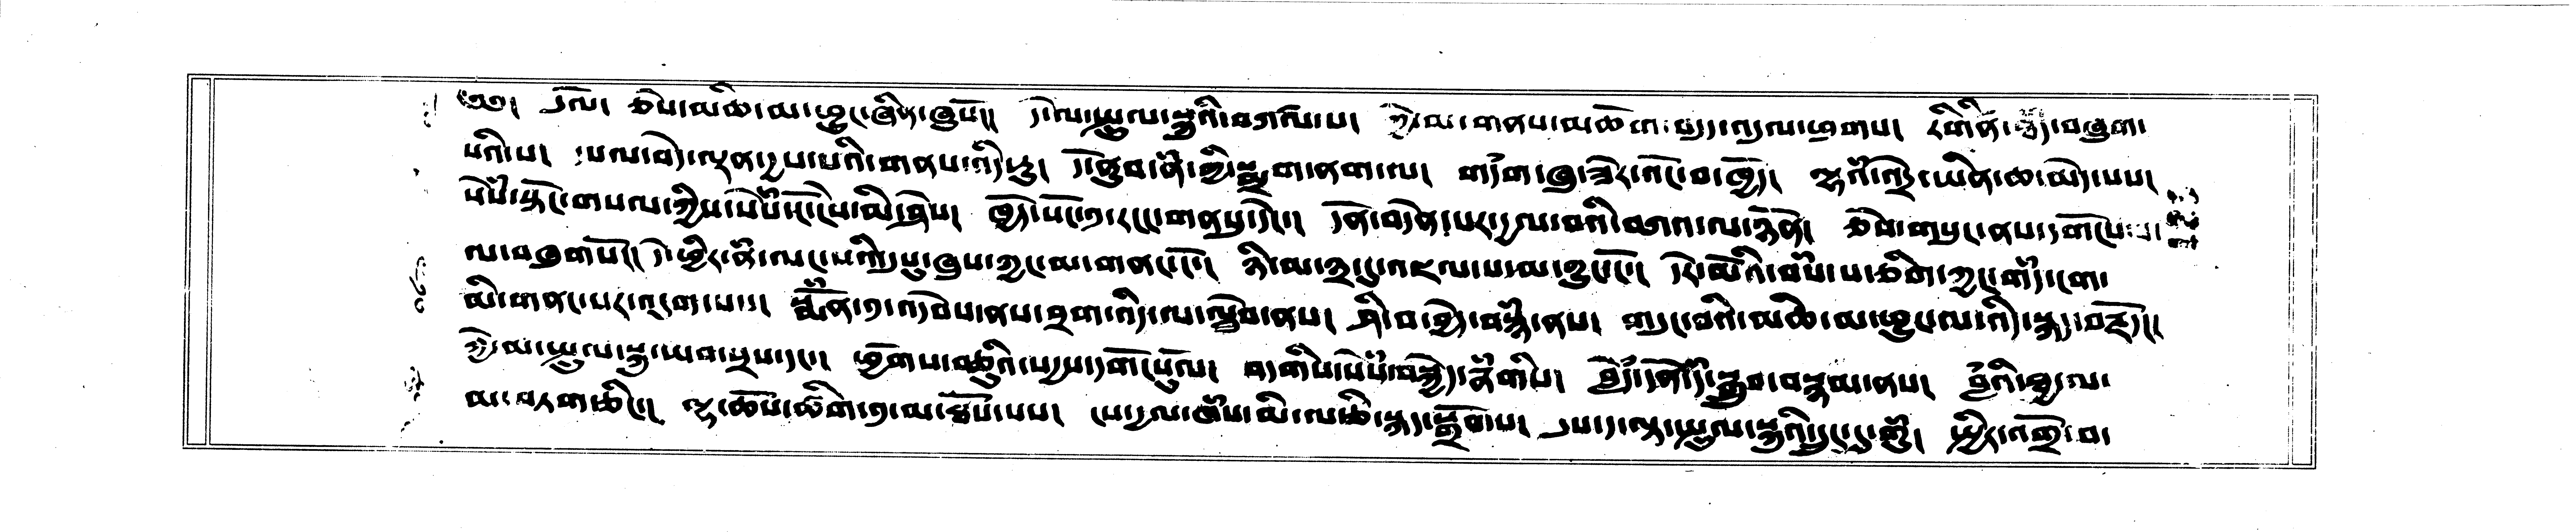དུ་གསོལ། ཅེས་མཆི་མ་ཕྱུང་བཞིན་ཞུས་སོ། །དེ་ལ་སྤྲུལ་སྐུས་བཀའ་སྩལ་པ། ཀྱེ་མ་གནས་མཆོག་བདུད་འདུལ་ཕུག རིག་འཛིན་ཐམས་ཅད་བཞུགས་
པའི་ས། དཔལ་བདེ་ལྡན་རྒྱས་པའི་གནས་འདི་རུ། དོ་ནུབ་ནམ་གྱི་སྨྲག་ནག་ལ། གདམས་ངག་ཞུ་ཟེར་འོང་བ་ཁྱོད། ལྷའམ་འདྲེ་ཡིན་ཆ་མེད་པས།
 སེམས་སྟོང་གསལ་གྱི་སེམས་ངོ་ངས་མི་ཤེས། ཁྱོད་སོང་ཅིག་རང་རང་གནས་སུ་དེངས། དོན་བདེན་པར་རྒྱལ་བའི་བཀའ་ལ་ཉོན། ཅེས་གསུངས་ནས་དགོངས་པ་
ལ་བཞུགས་སོ། །དེ་ཕྱིར་ནམ་ལང་པའི་དུས་སུ་སུས་ཀྱང་མ་གནང་ངོ་། ཉི་མ་གསུམ་དུ་མཇལ་བ་མ་བྱུང་ངོ་། དེར་མོའི་བསམ་པ་ཅིག་ཀྱང་གདམས་ངག་
མི་གནང་བར་འདུག་པས། སྨོན་ལམ་ཅིག་འདེབས་ནས་བྲག་འདི་ལ་ལྕེབས་ནས་ཤི་བ་བྱེད་སྙམ་ནས། གདུང་བའི་མཆི་མ་ཕྱུང་ལ་འདི་སྐད་བརྗོད། 
ཀྱེ་མ་སྤྲུལ་སྐུ་ཡབ་སྲས་དང་། ཕྱོགས་བཅུའི་རྒྱལ་སྲས་དགོངས་སུ་གསོལ། བདག་གིས་སེམས་བསྐྱེད་རྣམ་དག་གིས། བླ་མེད་དོན་དམ་བསྒྲུབ་སྙམ་ནས། བླ་མའི་ཐུགས་ལ་
མ་བཏགས་ཅིང་། ལྷ་ཆོས་ཚིག་གཅིག་མ་ཐོས་པས། ངས་རྒྱལ་ཁམས་མི་ལ་ཅི་སྐད་སྒྲོགས། དུས་ད་ལྟ་སྤྲུལ་སྐུའི་དྲུང་དུ་གུམ། སྤྱིར་འགྲོ་བ་